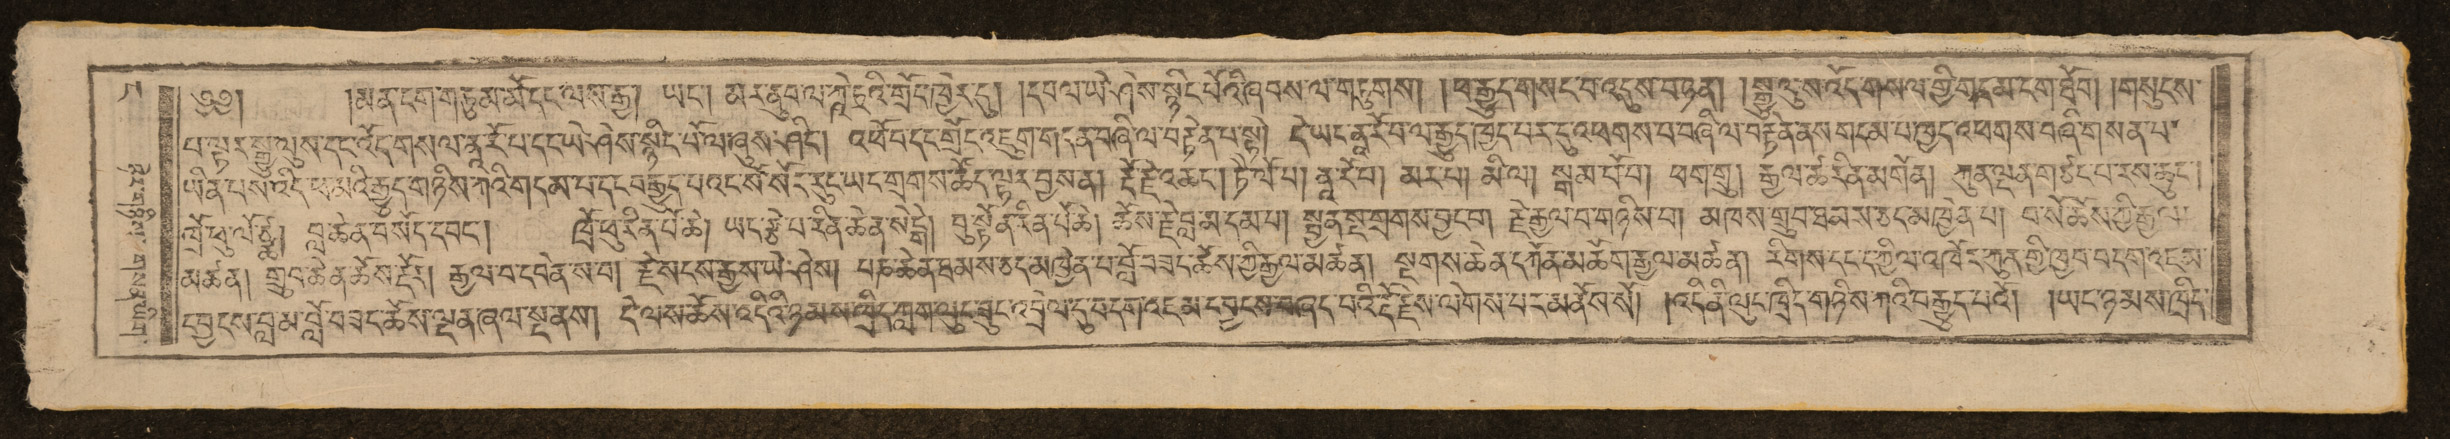༄༅། །མན་ངག་གཏུམ་མོ་དང་ལས་རྒྱ། ཡང་། མར་ནུབ་ལ་ཀེཥ་ཏྲའི་གྲོང་ཁྱེར་དུ། །དཔལ་ཡེ་ཤེས་སྙིང་པོའི་ཞབས་ལ་གཏུགས། །ཕ་རྒྱུད་གསང་བ་འདུས་པ་ཉན། །སྒྱུ་ལུས་འོད་གསལ་གྱི་གདམ་ངག་ཐོབ། །གསུངས་
པ་ལྟར་སྒྱུ་ལུས་དང་འོད་གསལ་ནཱ་རོ་པ་དང་ཡེ་ཤེས་སྙིང་པོ་ལ་ཞུས་ཤིང་། འཕོ་བ་དང་གྲོང་འཇུག་གདན་བཞི་ལ་བརྟེན་པ་སྟེ། དེ་ཡང་ནཱ་རོ་པ་ལ་རྒྱུད་ཁྱད་པར་དུ་འཕགས་པ་བཞི་ལ་བརྟེན་ནས་གདམ་པ་ཁྱད་འཕགས་བཞི་གསན་པ་
ཡིན་པས་འདི་ཕ་མའི་རྒྱུད་གཉིས་ཀའི་གདམ་པ་དང་བརྒྱུད་པའང་སོ་སོར་རུང་ཡང་གྲགས་ཚོད་ལྟར་བྱས་ན། རྡོ་རྗེ་འཆང་། ཏཻ་ལོ་པ། ནཱ་རེ་པ། མར་པ། མི་ལ། སྒམ་པོ་པ། ཕག་གྲུ། རྒྱལ་ཚ་རིན་མགོན། ཀུན་ལྡན་གཙང་པ་རས་ཆུང་།
ཁྲོ་ཕུ་ལོ་ཙྪ། བླ་ཆེན་བསོད་དབང་། ཁྲོ་ཕུ་རིན་པོ་ཆེ། ཡང་རྩེ་པ་རིན་ཆེན་སེངྒེ། བུ་སྟོན་རིན་པོ་ཆེ། ཆོས་རྗེ་བླ་མ་དམ་པ། སྤྱན་སྔ་གྲགས་བྱང་བ། རྗེ་རྒྱལ་བ་གཉིས་པ། མཁས་གྲུབ་ཐམས་ཅད་མཁྱེན་པ། བ་སོ་ཆོས་ཀྱི་རྒྱལ་
མཚན། གྲུབ་ཆེན་ཆོས་རྡོར། རྒྱལ་བ་དབེན་ས་བ། རྗེ་སངས་རྒྱས་ཡེ་ཤེས། པཎ་ཆེན་ཐམས་ཅད་མཁྱེན་པ་བློ་བཟང་ཆོས་ཀྱི་རྒྱལ་མཚན། སྔགས་ཆེན་དཀོན་མཆོག་རྒྱལ་མཚན། རིགས་དང་དཀྱིལ་འཁོར་ཀུན་གྱི་ཁྱབ་བདག་འཇམ་
དབྱངས་བླ་མ་བློ་བཟང་ཆོས་ལྡན་ཞལ་སྔ་ནས། དེ་ལས་ཆོས་འདིའི་ཉམས་ཁྲིད་ཀླག་ལུང་ཟུང་འབྲེལ་དུ་བདག་འཇམ་དབྱངས་བཞད་པའི་རྡོ་རྗེས་ལེགས་པར་མ་ནོས་སོ། །འདི་ནི་ལུང་ཁྲིད་གཉིས་ཀའི་བརྒྱུད་པའོ། །ཡང་ཉམས་ཁྲིད་